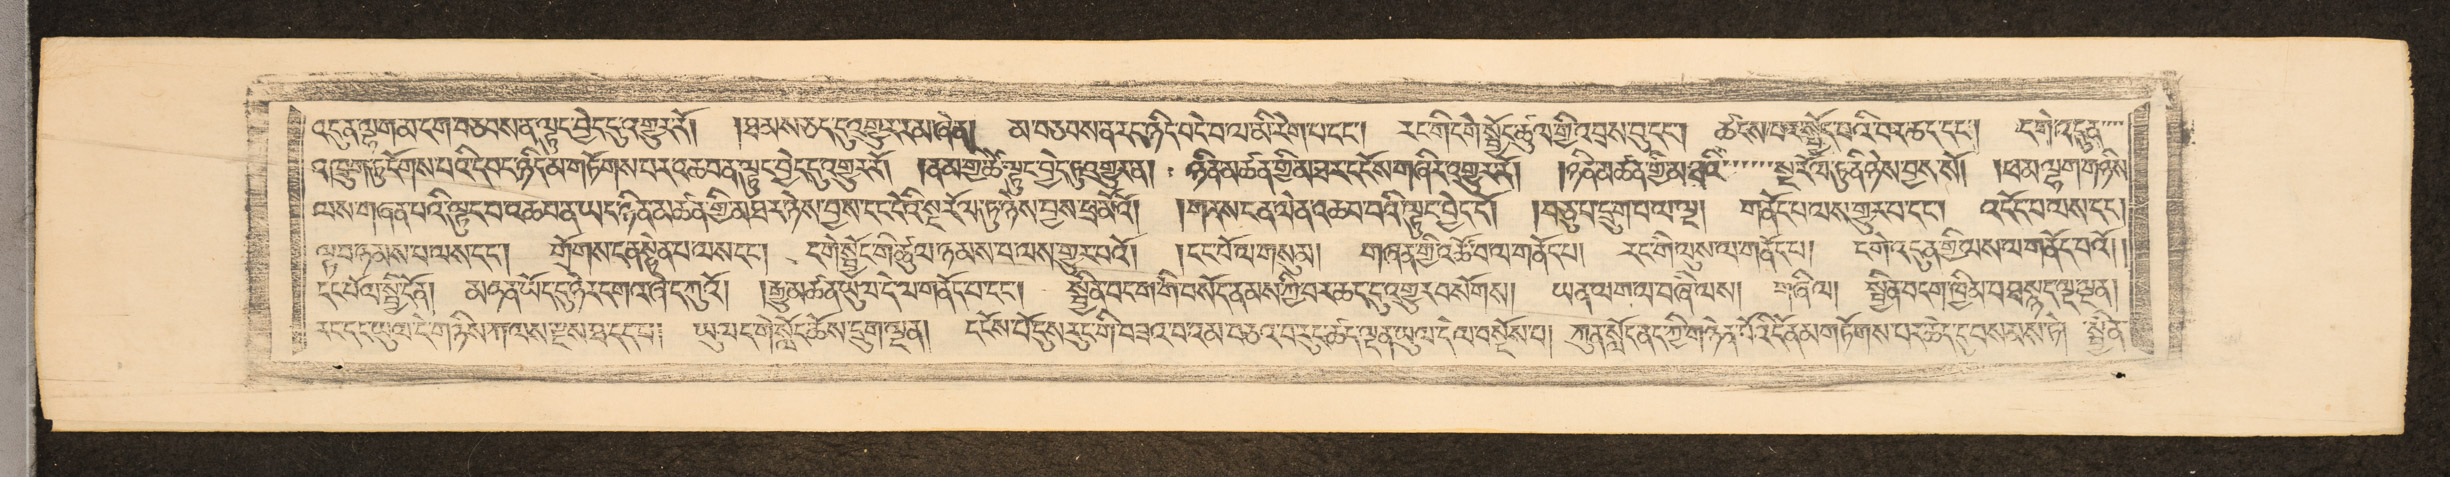འདུན་ལྷག་མ་དག་བཅབས་ན་ལྟུང་བྱེད་དུ་འགྱུར་རོ། །ཐམས་ཅད་དུ་འགྱུར་རམ་ཞེ་ན། མ་བཅབས་ན་རང་ཉིད་བདེ་བ་ལ་མི་རེག་པ་དང་། རང་གི་དགེ་སྦྱོང་ཚུལ་གྱི་འབྲས་བུ་དང་། ཚངས་པར་སྤྱོད་པའི་བར་ཆད་དང་། དགེ་འདུན་
འཁྲུག་ཏུ་དོགས་པའི་དབང་ཉིད་མ་གཏོགས་པར་འཆབ་ན་ལྟུང་བྱེད་དུ་འགྱུར་རོ། །ནམ་གྱི་ཚེ་ལྟུང་བྱེད་ཏུ་འགྱུར་ན། ཉིན་མཚན་གྱི་མཐར་དངོས་གཞིར་འགྱུར་རོ། །ཉིན་མཚན་གྱི་མཐའི་སྔ་རོལ་ཏུ་ནི་ཉེས་བྱས་སོ། །ཕམ་ལྷག་གཉིས་
ལས་གཞན་པའི་ལྟུང་བ་འཆབ་ན་ཡང་ཉིན་མཚན་གྱི་མཐར་ཉེས་བྱས་དང་དེའི་སྔ་རོལ་ཏུ་ཉེས་བྱས་ཕྲ་མོའོ། །གནས་ངན་ལེན་འཆབ་པའི་ལྟུང་བྱེད་དོ། །བཅུ་པ་དྲུག་པ་ལ་ལྔ། གནོད་པ་ལས་གྱུར་པ་དང་། འདོད་པ་ལས་དང་།
ལྟ་བ་ཉམས་པ་ལས་དང་། གྲོགས་ངན་སྟེན་པ་ལས་དང་། དགེ་སྦྱོང་གི་ཚུལ་ཉམས་པ་ལས་གྱུར་པའོ། །དང་པོ་ལ་གསུམ། གཞན་གྱི་འཚོ་བ་ལ་གནོད་པ། རང་གི་ལུས་ལ་གནོད་པ། དགེ་འདུན་གྱི་ལས་ལ་གནོད་པའོ། །
དང་པོ་ལ་སྦྱི་དོན། མཉན་ཡོད་དུ་ཉེར་དགའ་ཞེ་དཀུའོ། །རྒྱུ་མཚན་ཡུལ་དེ་ལ་གནོད་པ་དང་། སྦྱིན་བདག་གི་བསོད་ནམས་ཀྱི་བར་ཆད་དུ་འགྱུར་བ་སོགས། ཡན་ལག་ལ་བཞི་ལས། གཞི་ལ། སྦྱིན་བདག་ཁྱིམ་པ་ཐ་སྙད་ལྔ་ལྡན།
རང་དང་ཡུལ་དེ་གཉིས་ཀ་ལས་རྫས་ཐ་དད་པ། ཡུལ་དགེ་སློང་ཆོས་དྲུག་ལྡན། དངོས་པོ་དུས་རུང་གི་བཟའ་བ་འམ་བཅའ་བ་རུང་ཚད་ལྡན་ཡུལ་དེ་ལ་བསྔོས་པ། ཀུན་སློང་ནད་ཀྱི་གཉེན་པོའི་དོན་མ་གཏོགས་པར་ཆེད་དུ་བསམས་ཏེ།